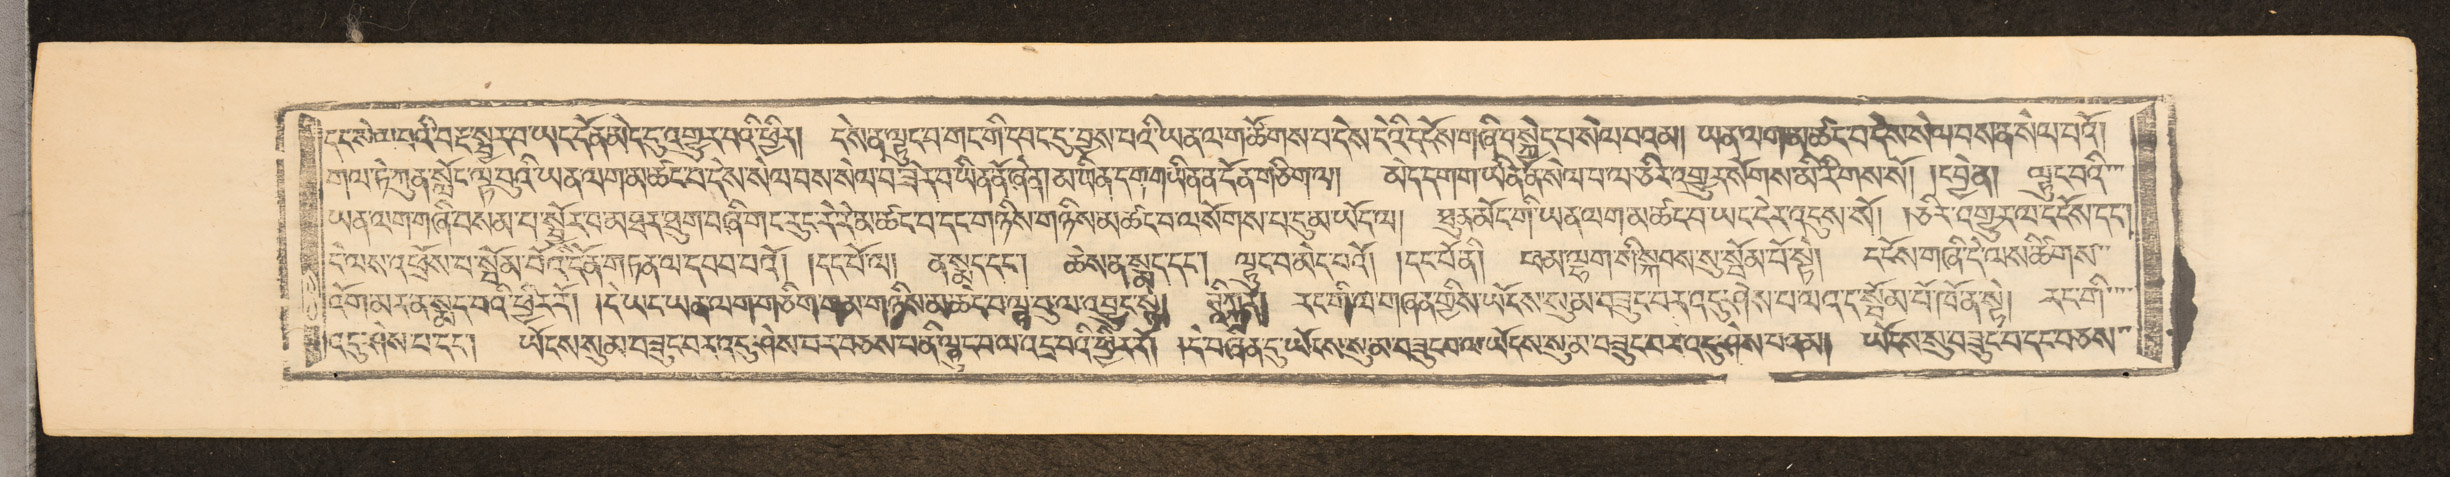དང་སེལ་བའི་བརྔ་སྦྱར་བ་ཡང་དོན་མེད་དུ་འགྱུར་བའི་ཕྱིར། དེས་ན་ལྟུང་བ་གང་གི་དབང་དུ་བྱས་པའི་ཡན་ལག་ཚོགས་པ་དེས་དེའི་དངོས་གཞི་བསྐྱེད་པ་སེལ་བའམ། ཡན་ལག་མ་ཚང་བ་ནས་སེལ་བས་ན་སེལ་བའོ།
གལ་ཏེ་ཀུན་སློང་ལྟ་བུའི་ཡན་ལག་མ་ཚང་པ་དེས་སེལ་བས་སེལ་བ་ཟེར་བ་ཡིན་ནོ་ཞེ་ན། མ་ཡིན་དགག་ཡིན་ན་དོན་གཅིག་ལ། མེད་དགག་ཡིན་ན་སེལ་བ་ལ་ཅིར་འགྱུར་སོགས་མི་རིགས་སོ། །དབྱེ་ན། ལྟུང་བའི་
ཡན་ལག་གཞི་བསམ་པ་སྦྱོར་བ་མཐར་ཐུག་བཞི་གང་རུང་རེ་རེ་མ་ཚང་བ་དང་གཉིས་གཉིས་མ་ཚང་བ་ལ་སོགས་པ་དུ་མ་ཡོད་ལ། ཐུན་མོང་གི་ཡན་ལག་མ་ཚང་བ་ཡང་དེར་འདུས་སོ། །ཅིར་འགྱུར་ལ་དངོས་དང་།
དེ་ལས་འཕྲོས་བ་སྤོམ་པོའི་དོན་གཏན་ལ་དབབ་པའོ། །དང་པོ་ལ། ན་སྨད་དང་། ཆེས་ན་སྨད་དང་། ལྟུང་བ་མེད་པའོ། །དང་པོ་ནི། ཕམ་ལྷག་གི་སྐབས་སུ་སྦོམ་པོ་སྟེ། དངོས་གཞི་དེ་ལས་ཚིགས་
འོག་མར་ན་སྨད་པའི་ཕྱིར་རོ། །དེ་ཡང་ཡན་ལག་གཅིག་གམ་གཉིས་མ་ཚང་བ་ལྟ་བུ་ལ་འབྱུང་སྟེ། ཊཱིཀྐར། རང་གི་ལ་གཞན་གྱིས་ཡོངས་སུ་མ་བཟུང་བར་འདུ་ཤེས་པ་ལའང་སྦོམ་པོ་ཁོ་ན་སྟེ། རང་གི་
འདུ་ཤེས་པ་དང་། ཡོངས་སུ་མ་བཟུང་བར་འདུ་ཤེས་པར་བཅས་པ་ནི་ལྟུང་བ་ལ་འདྲ་བའི་ཕྱིར་རོ། །དེ་བཞིན་དུ་ཡོངས་སུ་མ་བཟུང་བ་ལ་ཡོངས་སུ་མ་བཟུང་བར་འདུ་ཤེས་པའམ། ཡོངས་སུ་བཟུང་བ་དང་བཅས་